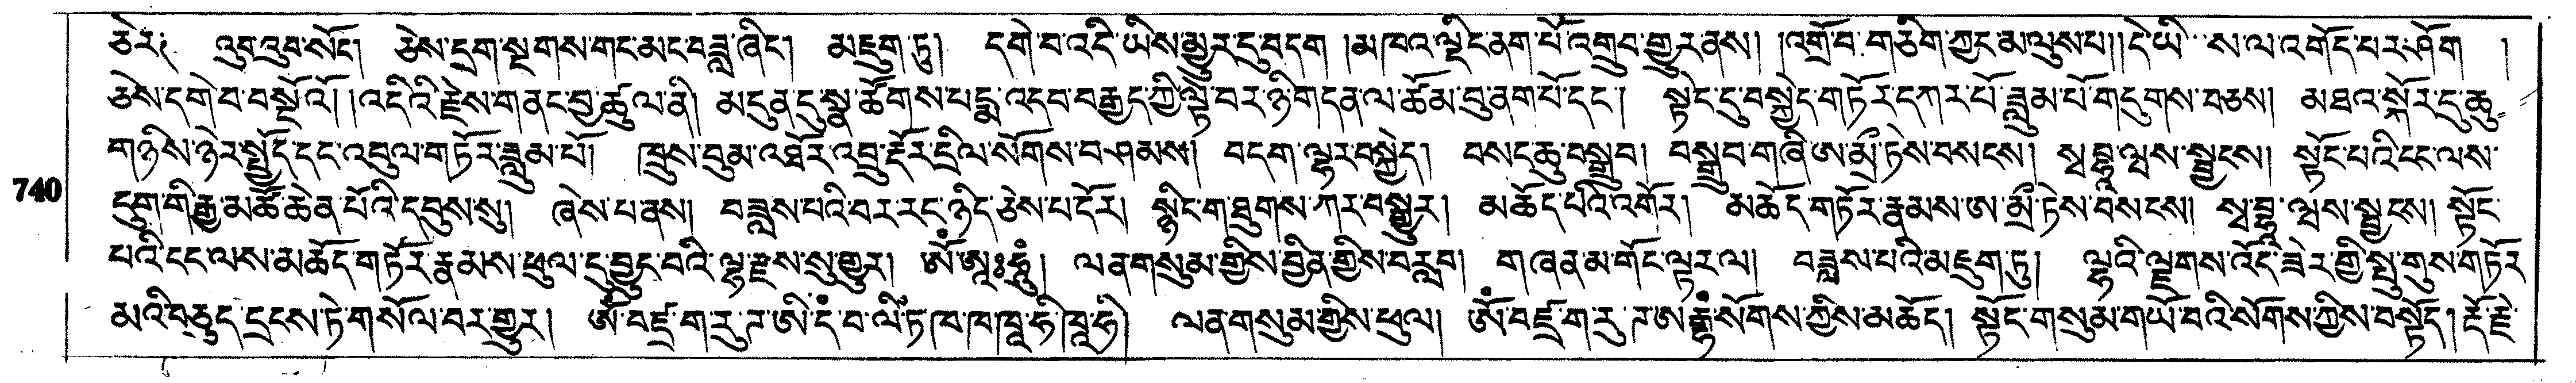ཅེར༑ འུབ་འུབ་སོང་། ཅེས་དྲག་སྔགས་གང་མང་བཟླ་ཞིང་། མཇུག་ཏུ། དགེ་བ་འདི་ཡིས་མྱུར་དུ་བདག །མཁའ་ལྡིང་ནག་པོ་འགྲུབ་གྱུར་ནས། །འགྲོ་བ་གཅིག་ཀྱང་མ་ལུས་པ། །དེ་ཡི་ས་ལ་འགོད་པར་ཤོག །
ཅེས་དགེ་བ་བསྔོའོ། །འདིའི་རྗེས་གནང་བྱ་ཚུལ་ནི། མདུན་དུ་སྣ་ཚོགས་པདམ་འདབ་བརྒྱད་ཀྱི་ལྟེ་བར་ཉི་གདན་ལ་ཚོམ་བུ་ནག་པོ་དང་། སྟེང་དུ་བསྐྱེད་གཏོར་དཀར་པོ་ཟླུམ་པོ་གདུགས་བཅས། མཐའ་སྐོར་དུ་ཆུ་
གཉིས་ཉེར་སྤྱོད་དང་འབུལ་གཏོར་ཟླུམ་པོ། ཁྲུས་བུམ་འཐོར་འབྲུ་རྡོར་དྲིལ་སོགས་བཤམས། བདག་ལྷར་བསྐྱེད། བསང་ཆུ་བསྒྲུབ། བསྒྲུབ་གཞི་ཨ་མྲྀ་ཏེས་བསངས། སྭབྷཱ་ཝས་སྦྱངས། སྟོང་པའི་ངང་ལས་
དུག་གི་རྒྱ་མཚོ་ཆེན་པོའི་དབུས་སུ། ཞེས་པ་ནས། བཟླས་པའི་བར་རང་ཉིད་ཅེས་པ་དོར། སྙིང་ག་ཐུགས་ཀར་བསྒྱུར། མཆོད་པའི་འགོར། མཆོད་གཏོར་རྣམས་ཨ་མྲྀ་ཏེས་བསངས། སྭ་བྷཱ་ཝས་སྦྱངས། སྟོང་
པའི་ངང་ལས་མཆོད་གཏོར་རྣམས་ཕུལ་དུ་བྱུང་བའི་ལྷ་རྫས་སུ་གྱུར། ཨོཾ་ཨཱཿ ཧཱུཾ། ལན་གསུམ་གྱིས་བྱིན་གྱིས་བརླབ། གཞན་མ་གོང་ལྟར་ལ། བཟླས་པའི་མཇུག་ཏུ། ལྷའི་ལྗགས་འོད་ཟེར་གྱི་སྤུ་གུས་གཏོར་
མའི་བཅུད་དྲངས་ཏེ་གསོལ་བར་གྱུར། ཨོཾ་བཛྲ་ག་རུ་ཌ་ཨི་དཾ་བ་ལིཾ་ཏ་ཁ་ཁ་ཁཱ་ཧི་ཁཱ་ཧི། ལན་གསུམ་གྱིས་ཕུལ། ཨོཾ་བཛྲ་ག་རུ་ཌ་ཨརྒྷཾ་སོགས་ཀྱིས་མཆོད། སྟོང་གསུམ་གཡོ་བའི་སོགས་ཀྱིས་བསྟོད། རྡོ་རྗེ་